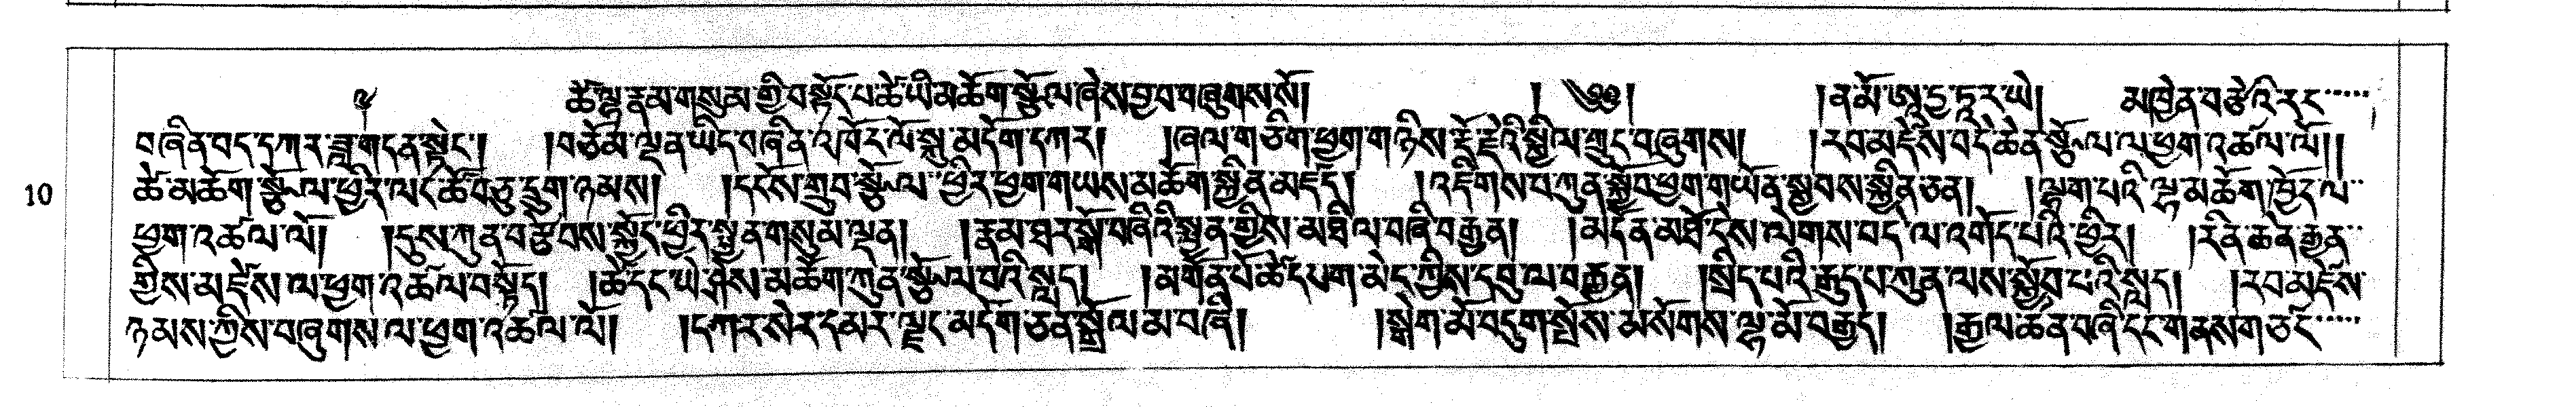༈ ཚེ་ལྷ་རྣམ་གསུམ་གྱི་བསྟོང་པ་ཚེ་ཡི་མཆོག་སྩོལ་ཞེས་བྱ་བ་བཞུགས་སོ། ། ༄༅། །ན་མོ་ཨཱ་དྱ་ཏཱ་ར་ཡེ། མཁྱེན་བརྩེའི་རང་
བཞིན་བད་དཀར་ཟླ་གདན་སྟེང་། །བཅོམ་ལྡན་ཡིད་བཞིན་འཁོར་ལོ་སྐུ་མདོག་དཀར། །ཞལ་གཅིག་ཕྱག་གཉིས་རྡོ་རྗེའི་སྐྱིལ་ཀྲུང་བཞུགས། །རབ་མཛེས་བདེ་ཆེན་སྩོལ་ལ་ཕྱག་འཚལ་ལོ།།
ཚེ་མཆོག་སྩོལ་ཕྱིར་ལང་ཚོ་བཅུ་དྲུག་ཉམས། །དངོས་གྲུབ་སྩོལ་ཕྱིར་ཕྱག་གཡས་མཆོག་སྐྱིན་མཛད། །འཇིགས་པ་ཀུན་སྐྱོབ་ཕྱག་གཡོན་སྐྱབས་སྐྱིན་ཅན། །ལྷག་པའི་ལྷ་མཆོག་ཁྱོད་ལ་
ཕྱག་འཚལ་ལོ། །དུས་ཀུན་བརྩེབས་སྐྱོང་ཕྱིར་སྤྱན་གསུམ་ལྡན། །རྣམ་ཐར་སྒོ་བཞིའི་སྤྱན་གྱིས་མཐིལ་བཞི་བརྒྱན། །མངོན་མཐོ་དེས་ལེགས་བདེ་ལ་འགོད་པའི་ཕྱིར། །རིན་ཆེན་རྒྱན་
གྱིས་མཛེས་ལ་ཕྱག་འཚལ་བསྟོད། །ཚེ་དང་ཡེ་ཤེས་མཆོག་ཀུན་སྩོལ་བའི་སླད། །མགོན་པོ་ཚེ་དཔག་མེད་ཀྱིས་དབུ་ལ་བརྒྱན། །སྲིད་པའི་རྒུད་པ་ཀུན་ལས་སྐྱོབ་པའི་སླད། །རབ་མཛེས་
ཉམས་ཀྱིས་བཞུགས་ལ་ཕྱག་འཚལ་ལོ། །དཀར་སེར་དམར་ལྗང་མདོག་ཅན་སྒྲོལ་མ་བཞི། །སྒེག་མོ་བདུག་སྤོས་མ་སོགས་ལྷ་མོ་བརྒྱད། །རྒྱལ་ཚན་བཞི་དང་གནས་གཙང་